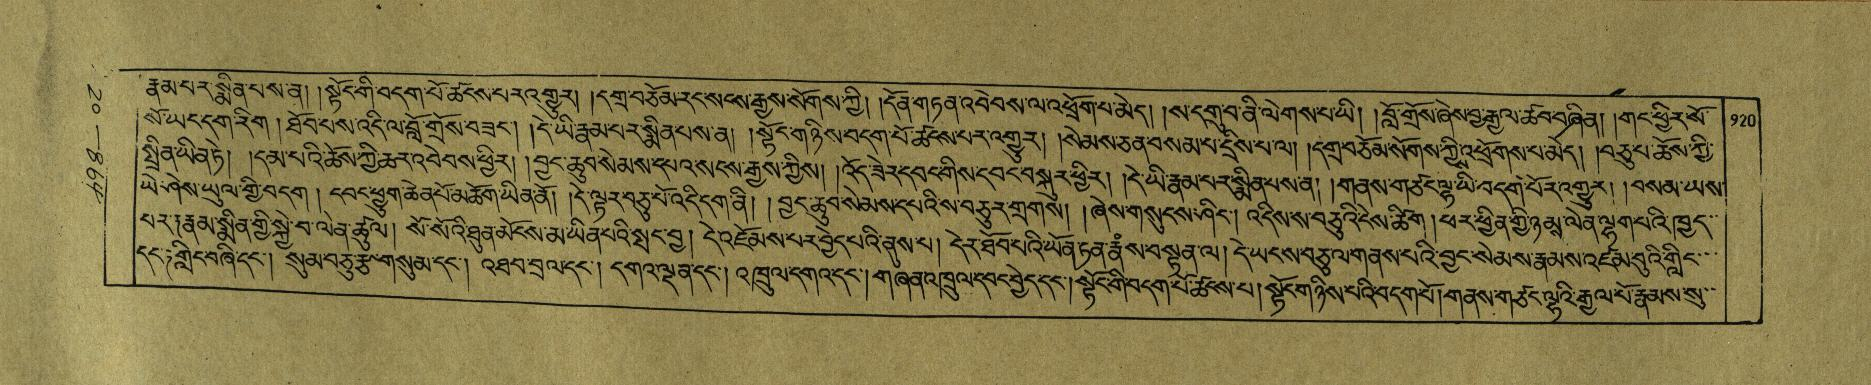རྣམ་པར་སྨིན་པས་ན། །སྟོང་གི་བདག་པོ་ཚངས་པར་འགྱུར། །དགྲ་བཅོམ་རང་སངས་རྒྱས་སོགས་ཀྱི། །དོན་གཏན་འབེབས་ལ་འཕྲོག་པ་མེད། །ས་དགུ་བ་ནི་ལེགས་པ་ཡི། །བློ་གྲོས་ཞེས་བྱ་རྒྱལ་ཚབ་བཞིན། །གང་ཕྱིར་སོ་
སོ་ཡང་དག་རིག །ཐོབ་པས་འདི་ལ་བློ་གྲོས་བཟང་། །དེ་ཡི་རྣམ་པར་སྨིན་པས་ན། །སྟོང་གཉིས་བདག་པོ་ཚངས་པར་འགྱུར། །སེམས་ཅན་བསམ་པ་དྲིས་པ་ལ། །དགྲ་བཅོམ་སོགས་ཀྱིས་འཕྲོགས་པ་མེད། །བཅུ་པ་ཆོས་ཀྱི་
སྤྲིན་ཡིན་ཏེ། །དམ་པའི་ཆོས་ཀྱི་ཆར་འབེབས་ཕྱིར། །བྱང་ཆུབ་སེམས་དཔའ་སངས་རྒྱས་ཀྱིས། །འོད་ཟེར་དབང་གིས་དབང་བསྐུར་ཕྱིར། །དེ་ཡི་རྣམ་པར་སྨིན་པས་ན། །གནས་གཙང་ལྷ་ཡི་བདག་པོར་འགྱུར། །བསམ་ཡས་
ཡེ་ཤེས་ཡུལ་གྱི་བདག །དབང་ཕྱུག་ཆེན་པོ་མཆོག་ཡིན་ནོ། །དེ་ལྟར་བཅུ་པོ་འདི་དག་ནི། །བྱང་ཆུབ་སེམས་དཔའི་ས་བཅུར་གྲགས། །ཞེས་གསུངས་ཤིང་། འདིས་ས་བཅུའི་ངེས་ཚིག། ཕར་ཕྱིན་གྱི་ཉམས་ལེན་ལྷག་པའི་ཁྱད་
པར་༑རྣམ་སྨིན་གྱི་སྐྱེ་བ་ལེན་ཚུལ། སོ་སོའི་ཐུན་མོངས་མ་ཡིན་པའི་སྤང་བྱ། དེ་འཇོམས་པར་བྱེད་པའི་ནུས་པ། དེར་ཐོབ་པའི་ཡོན་ཏན་རྣཾས་བསྟན་ལ། དེ་ཡང་ས་བཅུ་ལ་གནས་པའི་བྱང་སེམས་རྣམས་འཛམ་བུའི་གླིང་
དང༑ གླིང་བཞི་དང་། སུམ་བཅུ་རྩ་གསུམ་དང་། འཐབ་བྲལ་དང་། དགའ་ལྡན་དང་། འཁྲུལ་དགའ་དང་། གཞན་འཁྲུལ་དབང་བྱེད་དང་། སྟོང་གི་བདག་པོ་ཚངས་པ། སྟོང་གཉིས་པའི་བདག་པོ། གནས་གཙང་ལྷའི་རྒྱལ་པོ་རྣམས་སུ་